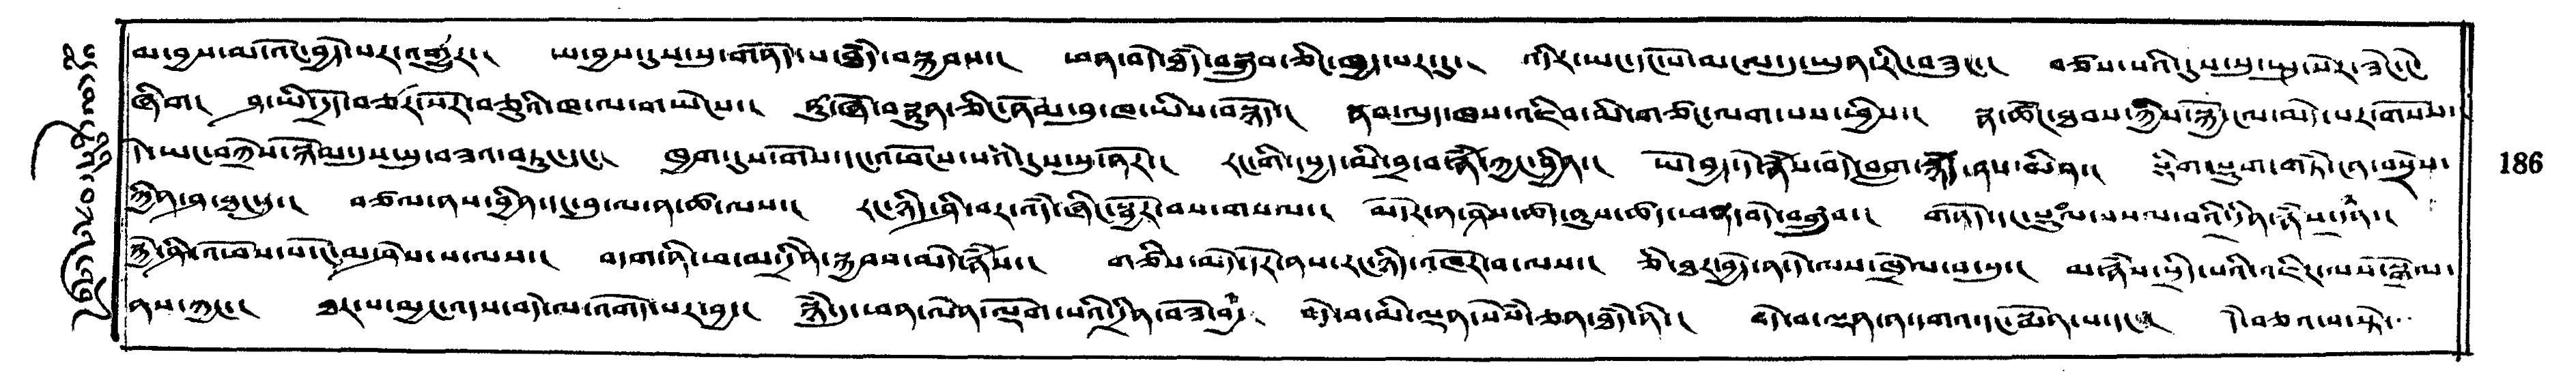མ་བྱས་མ་འོངས་བྱེད་པར་འགྱུར། །མ་བྱས་དུས་སུ་གནོད་པ་ཐམས་ཅད་བསྐྱབས། །ཕན་བདེ་ཐམས་ཅད་བསྒྲུབ་ཅིང་ཁྱད་པར་དུ། །འདིར་ཡང་དང་པོ་མངལ་དུ་ཡུན་རིང་བཟུང་། །བཙས་པའི་དུས་སུ་སྤུ་སེར་ཟེང་ངེ་
ཞིག།ཤ་ཡི་དྲོད་བཅར་སོར་བཅུས་ཁ་ལ་གཡེངས། །ནུ་ཞོ་བསྣུན་ཅིང་ནོམ་བུ་ཁ་ཡིས་བསྙོད། །སྣབས་ལུད་ཁས་འཇིབས་མི་གཙང་ལག་པས་ཕྱིས། །སྣ་ཚོགས་ཐབས་ཀྱིས་སྐྱོ་ངལ་མེད་པར་གསོས། །
དེ་ཡང་བཀྲེས་སྐོམ་དུས་སུ་བཟའ་བཏུང་དང་། །ཁྱག་དུས་གོས་དང་འཕོངས་པའི་དུས་སུ་ནོར། །རང་གི་སྤྱད་མི་བྲ་བ་རྣམས་ཀྱང་བྱིན། །ཡོ་བྱད་དེ་རྣམས་བདེ་བླག་རྙེད་ནས་མིན། །སྡིག་སྡུག་གཏམ་ངན་བསྲེས་
ཀྱིན་ཤ་ཐང་དུ། །བཙལ་ནས་བྱིན་དང་བུ་ལ་ན་ཚ་ལས། །རང་ཉིད་ཤི་བར་འདམ་ཞིང་སྦྱོར་བས་གསལ། །མདོར་ན་ཤེས་ཚད་ནུས་ཚད་ཕན་བདེ་བསྒྲུབ། །གནོད་དང་སྡུག་བསྔལ་བསལ་བའི་དྲིན་རྣམས་དྲན། །
སྐྱེ་ཤི་འཕོས་པ་ངོ་མ་ཤེས་པ་ལས། །བདག་ནི་ཕ་མ་དྲིན་ཆེན་སྐྱབས་མེད་རྣམས། །གཙིས་མེད་དོར་ནས་རང་ཉིད་འཁོར་བ་ལས། །ཅི་ཐར་བྱེད་ན་དེ་ལས་ཁྲེལ་བ་ཅི། །མ་རྣམས་སྲིད་པའི་འཇིགས་ལས་སྒྲོལ་
ནས་ཀྱང་། །ཐར་པ་མྱང་འདས་བདེ་ལ་འགོད་པར་བྱ། །སྙམ་དུ་ཕན་ལེན་ལྡོག་པའི་དྲིན་བཟོ་བྱ། །བདེ་བ་མི་ལྡན་སེམས་ཅན་ཐམས་ཅད་ནི། །བདེ་བ་ལྡན་ན་དགའ་དང་སྨོན་པ་དང་། །དམ་བཅའ་བ་སྟེ་